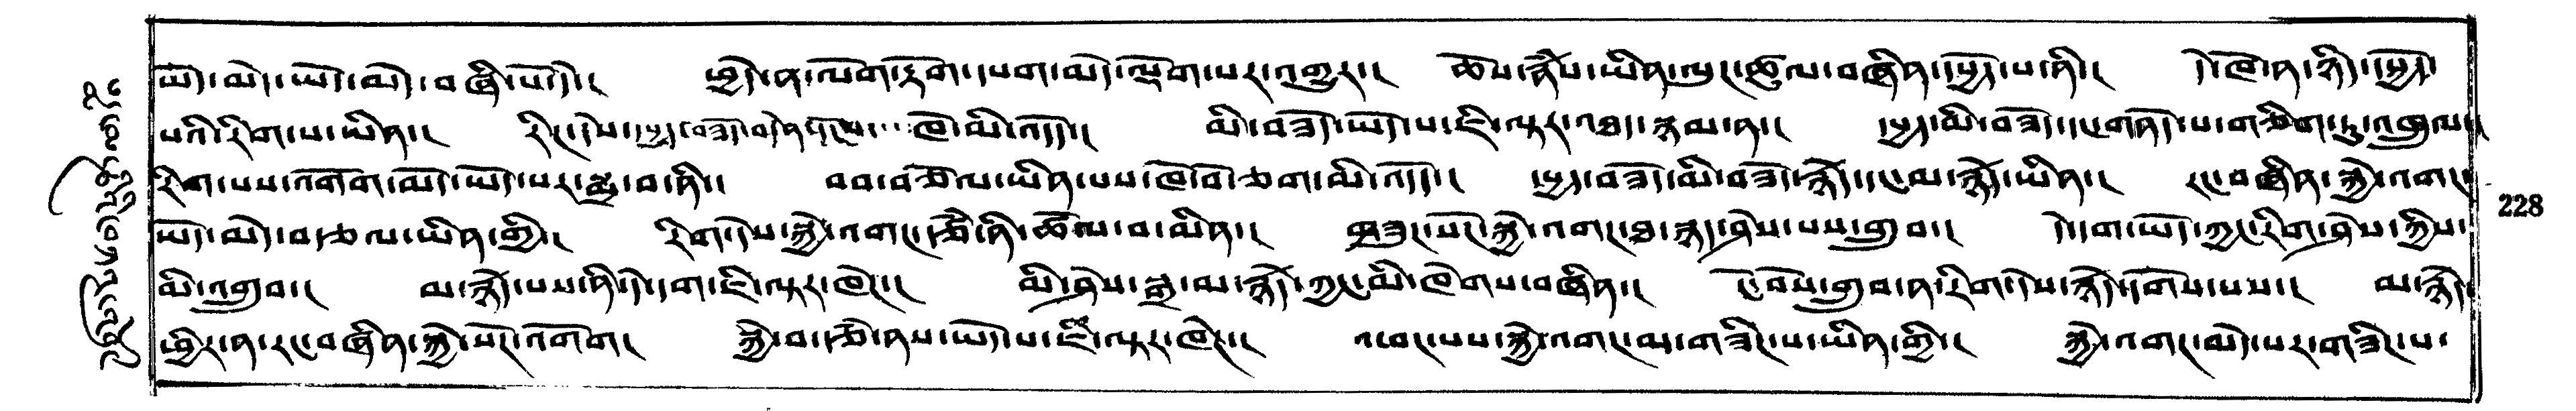ཡོད་མེད་ཡོད་མེད་བཞི་པོ་དེ། །ཕྱེད་ན་ལོག་རྟོག་དཔག་མེད་ལྡོག་པར་འགྱུར། །ཆོས་རྣམས་ཡིན་ལུགས་ཚུལ་བཞིན་དཔྱོད་པ་ནི། །དེ་ཁོ་ན་ཉིད་དཔྱོད་
པའི་རིགས་པ་ཡིན། །རིགས་དེས་དཔྱད་བཟོད་བདེན་དངོས་ཁོ་མི་འདོད། །མི་བཟོད་ཡོད་པ་ཇི་ལྟར་འཐད་སྙམ་ན། །དཔྱད་མི་བཟོད་དང་གནོད་པ་གཅིག་ཏུ་འཁྲུལ། །
རིགས་པས་འགོག་མོད་ཡོད་པར་སྨྲ་བ་ནི། །བབ་བཅོལ་ཡིན་པས་ཁོ་བོ་ཅག་མི་འདོད། །དཔྱད་བཟོད་མི་བཟོད་རྙེད་དང་མ་རྙེད་ཡིན། །རང་བཞིན་སྐྱེ་འགག་
ཡོད་མེད་ཙམ་ཡིན་གྱི། །རིགས་དེས་སྐྱེ་འགག་ཙམ་ནི་ཚོལ་བ་མིན། །གཟུགས་སོགས་སྐྱེ་འགག་ཐ་སྙད་ཤེས་པས་གྲུབ། །དེ་དག་ཡོད་ཀྱང་རིགས་ཤེས་ཀྱིས་
མི་འགྲུབ། །མ་རྙེད་པས་ནི་དེ་དག་ཇི་ལྟར་ཁེགས། །མི་ཤེས་སྒྲ་མ་རྙེད་ཀྱང་མི་ཁེགས་བཞིན། །ངོ་བོས་གྲུབ་ན་རིགས་དེས་རྙེད་དགོས་པས། །མ་རྙེད་
ཕྱིར་ན་རང་བཞིན་སྐྱེ་སོགས་འགོག།སྐྱེ་བ་ཙམ་ནས་ཡོད་པ་ཇི་ལྟར་ཁེགས། །འཕགས་པས་སྐྱེ་འགག་མ་གཟིགས་པ་ཡིན་གྱི། །སྐྱེ་འགག་མེད་པར་གཟིགས་པ་